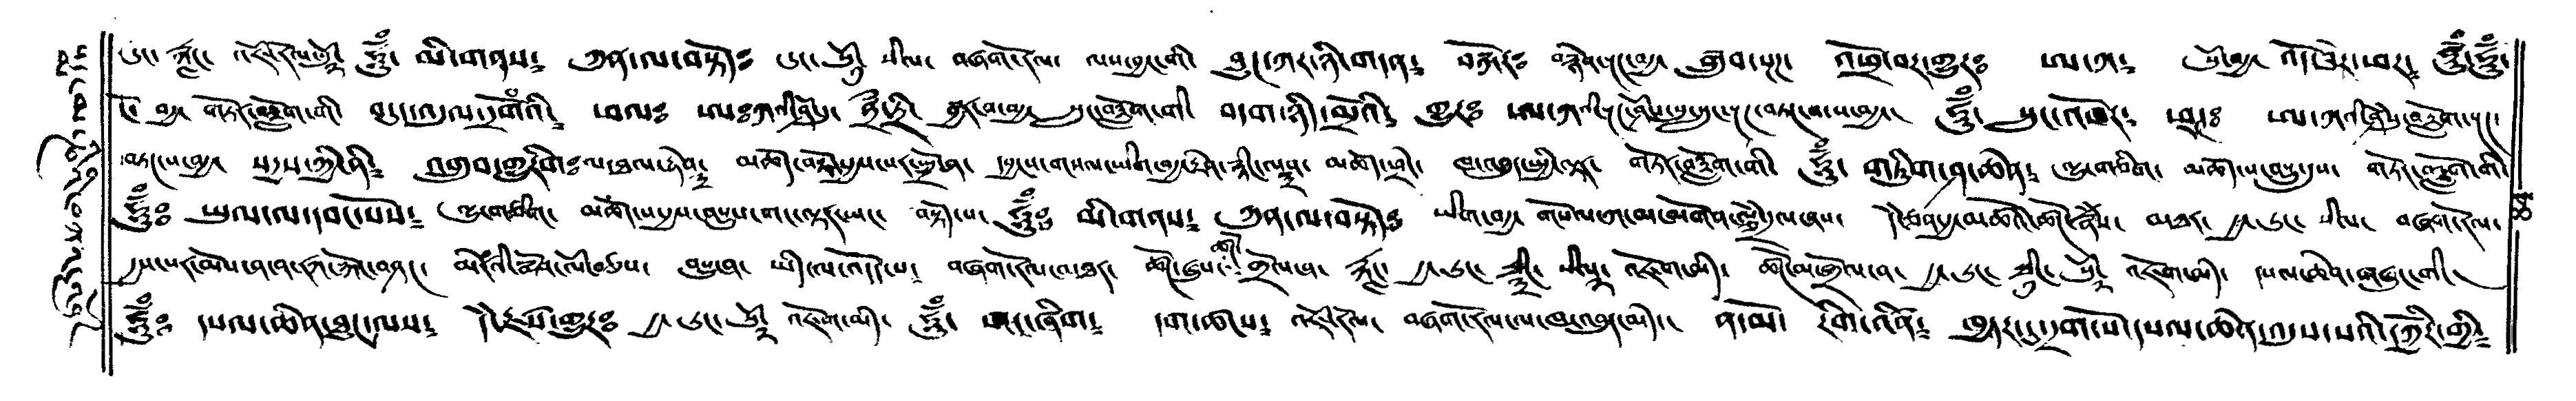༨༤༽ དུང་། རྐང་བཞི། འཇམ་རོལ་སུམ་གཉིས། ཧཱུྃཿ མི་གནས༴ ཀུན་ལ་བསྟོདཿ དུང་། སུམ་གཅིག སིལ། བཞག་རོལ། ལས་བྱང་གི ཐུགས་ཀར་ཉི་གདན༴ བསྐོརཿ བསྙེན་སྔགས་བརྒྱ། སྒྲུབ་སྔགས། འཕྲོ་བར་གྱུརཿ ཨ་ཀ༴ སུམ་བརྒྱ། འོད་ཟེར་ཕར༴ ཧཱུྃ་ཧཱུྃཿ 
ངོ་། བརྒྱ། གཏོར་ཟློག་གི བདུད་འདུལ་དྲག་མོའི༴ ཕལཿ ཨཿཀའི་ཤམ་དུ། ནྲྀ་ཏྲི༴ སྦྱར་བ་བརྒྱ། སྲུང་ཟློག་གི བདག་ཉིད་མཁའ་འགྲོའི༴ གྱུརཿ ཨ་ཀའི་སྔགས་གཤམ་དུ་སྲུང་སྔགས་བཏགས་པ་བརྒྱ། ཧཱུྃཿ སྲུང་འཁོར༴ ཕཊཿ ཨ་ཀའི་གཤམ་དུ་ཟློག་སྔགས་
བཏགས་པ་བརྒྱ། སངས་རྒྱས་ཀྱི་ནི༴ འགྲུབ་གྱུར་ཅིགཿ ལ་ཐལ་རྡེབ་གསུམ། མཆོད་བསྟོད་རྒྱས་པར་སྤྲོ་ན། དབྱངས་གསལ་ཡིག་བརྒྱ་རྟེན་སྙིང་ལན་གསུམ། མཆོད་ཕྲེང་། ཁ་འབུད་སྤྱི་ལྟར། གཏོར་ཟློག་གི ཧཱུྃཿ གཏི་མུག་ཤ་ཆེན༴ ལྷུ་གཅིག མཆོད་པ་བསྡུ་དུས། གཏོར་ཟློག་གི 
ཧཱུྃ༔ ཡུལ་ལ་དབང་པོས༴ ལྷུ་གཅིག མཆོད་པ་རྒྱས་བསྡུས་གང་ལྟར་ཡང་། བསྟོད་པ། ཧཱུྃ༔ མི་གནས༴ ཀུན་ལ་བསྟོདཿ ཡིག་བརྒྱ། གསོལ་ཀ་མ་མགོན་ལྕམ་དྲལ་ནས། དམ་ཅན་རྒྱ་མཚོའི་ཚོགས་རྣམས༴ མཐར། རྒྱ། དུང་། སིལ། བཞག་རོལ། 
རྒྱས་པར་མོས་ན་ན་རཀ་སྐོང་བཤགས། མར་མེའི་སྨོན་ལམ་བཅས། བསྡུ་ན། ཡིད་ལ་འདོད་པ༴ བཞག་རོལ་མཐར། ཚོགས་ཞུས་ཚོགས་གྲོལ་ན། རྐང་བཞི། རྒྱ། དུང་། ཐིང་གསུམ། སིལ་གཉིས། འཇོག་མེད། ཚོགས་མ་གྲོལ་ན། རྒྱ། དུང་། ཐིང་གཅིག སུམ་གཉིས། འཇོག་མེད། དཔལ་ཆེན་གཞུང་གི 
ཧཱུྃཿ དཔལ་ཆེན་ཐུགས་ལས༴ དམ་རྫས་གྱུརཿ རྒྱ། དུང་། སུམ་གཉིས། འཇོག་མེད། ཧཱུྃཿ གང་ཞིག༴ དག་ཚངས༴ འཇམ་རོལ། བཞག་རོལ་ལ་ཁ་འབུད་མེད། ན་མོ། རིག་འཛིན༴ ཁྱད་པར་དུ་དྲག་པོ་དཔལ་ཆེན་འདུས་པའི་དཀྱིལ་འཁོར་གྱི༴